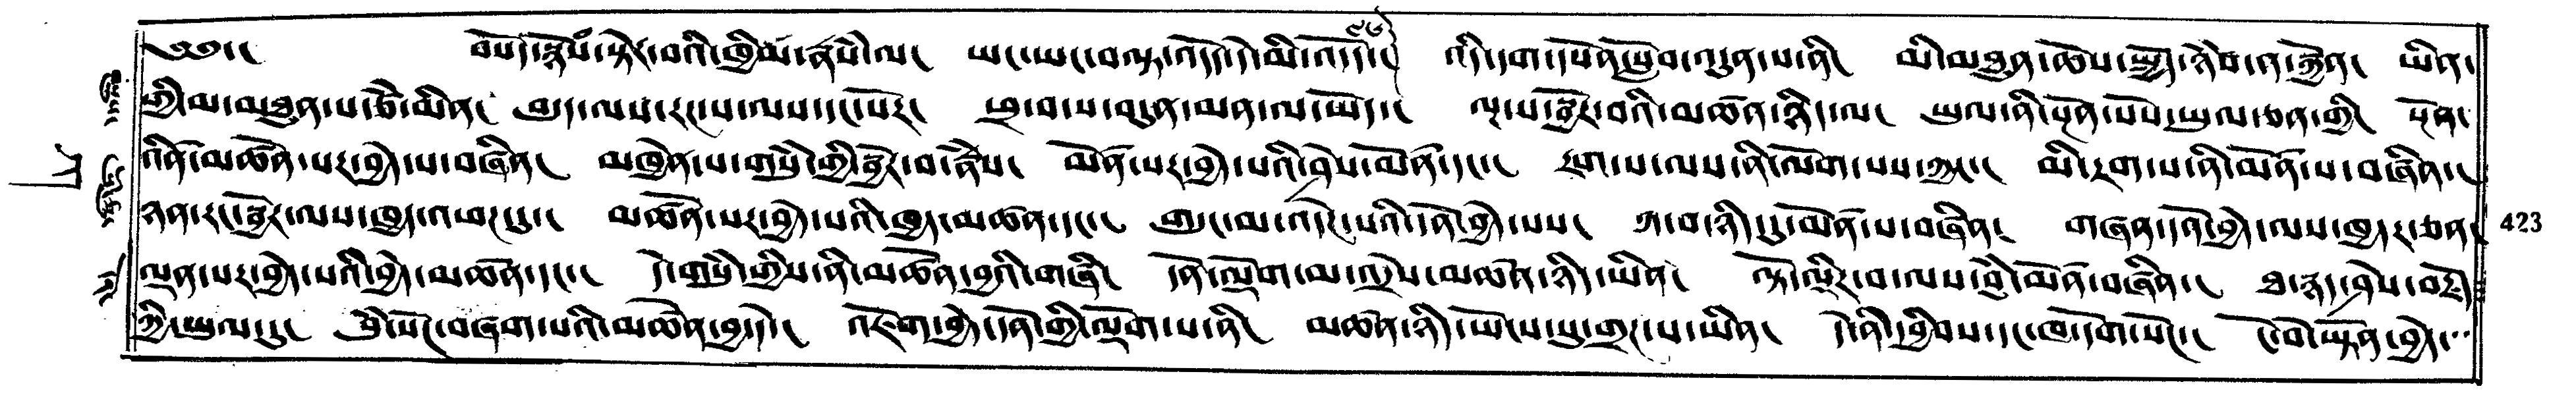བསོད་སྙོམས་སྟེར་བའི་ཁྱིམ་རྣམས་ལ། །ཡང་ཡང་བལྟ་འདོད་དེ་མི་འདོད། །འདི་དག་དཔོན་སློབ་འདུན་པ་ནི། །མི་མཐུན་ཆོས་སྤྱོད་ཉམས་ན་སྐྱོན། །ཡིན་
གྱི་མ་མཐུན་པ་ཙམ་མིན། །བདུད་ལས་རགས་པ་ལས་དང་པོར། །ཕྲ་བ་ས་བདུན་མན་ལ་ཡོད། །ལྔ་པ་སྦྱོར་བའི་མཚན་ཉིད་ལ། །ཡུལ་ནི་སྔོན་པོས་ཡུལ་ཅན་གྱི། །སྔོ་
འཛིན་མཚོན་པར་བྱེད་པ་བཞིན། །མཁྱེན་པ་གསུམ་གྱི་སྦྱོར་བ་རྣམས། །མཚོན་པར་བྱེད་པའི་ཤེས་མཚོན་དང་། །རྟག་པ་ལས་ནི་ལོག་པས་ཀྱང་། །མི་རྟག་པ་ནི་མཚོན་པ་བཞིན། །
ཉན་རང་སྦྱོར་ལས་ཁྱད་འཕགས་དུ། །མཚོན་པར་བྱེད་པའི་ཁྱད་མཚན་དང་། །གདུང་མ་འདེགས་པའི་དོན་བྱེད་པས། །ཀ་བ་ཉིད་དུ་མཚོན་པ་བཞིན། །གཞན་དོན་བྱེད་ལས་ཁྱད་པར་ཅན། །
ལྡན་པར་བྱེད་པའི་བྱེད་མཚན་དང་། །དེ་གསུམ་གྱིས་ནི་མཚོན་བྱའི་གཞི། །དོན་ལྡོག་མ་འདྲེས་མཚན་ཉིད་ཡིན། །ལྟོ་ལྡིར་བ་ལས་བུམ་མཚན་བཞིན། །ཐ་སྙད་ཤེས་བརྗོད་
ཀྱི་ཡུལ་དུ། །བུམ་སོགས་བཞག་པའི་མཚོན་བྱ་དེ། །འཇོག་བྱེད་དོན་གྱི་ལྡོག་པ་ནི། །མཚན་ཉིད་ཡོངས་སུ་གྲགས་པ་ཡིན། །དེ་ནི་དབྱིབས་དང་ཁ་དོག་སོགས། །ངོ་བོ་ཡོན་ཏན་བྱེད་